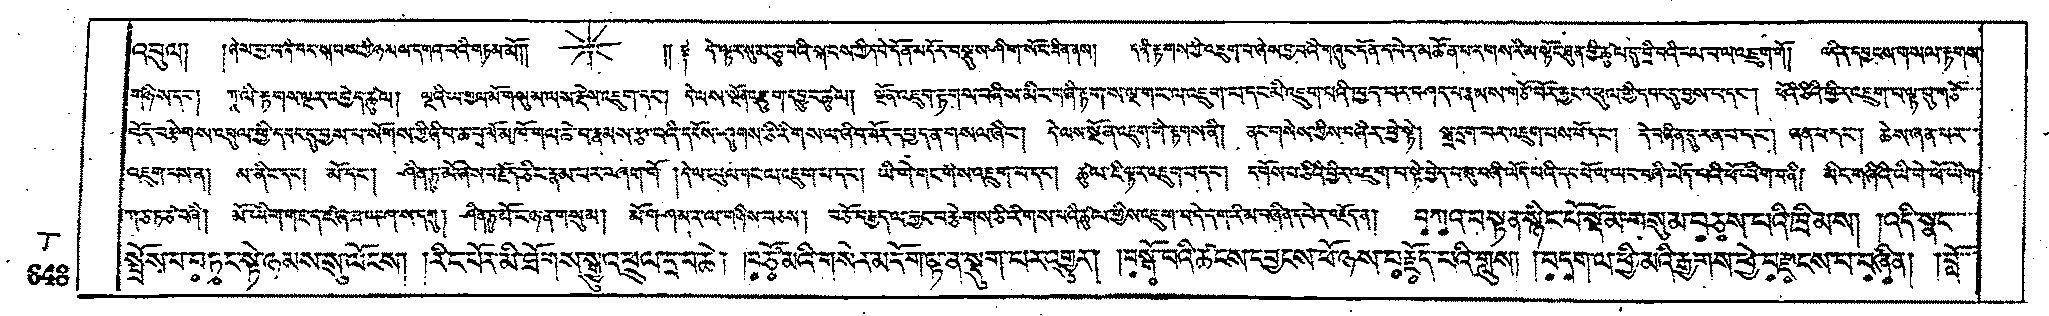འབུལ། །ཞེས་བྱ་བ་ནི་བར་སྐབས་ཀྱི་ཉམས་དགའ་བའི་གཏམ་མོ།། །། འ་དེ་ལྟར་སུམ་ཅུ་བའི་སྐབས་ཀྱི་དཔེ་དོན་མདོར་བསྡུས་ཤིག་སོང་ཟིན་ནས། ད་ནི་རྟགས་ཀྱི་འཇུག་པ་ཞེས་བྱ་བའི་གཞུང་དོན་དཔེར་མཚོན་པ་རགས་རིམ་སྟོང་ཐུན་གྱི་ཚུལ་དུ་བྲི་བའི་ངལ་བ་ལ་འཇུག་གོ། འདིར་དབྱངས་གསལ་རྟགས་
གཉིས་དང་། ཀཱ་ལི་རྟགས་ལྔར་འབྱེད་ཚུལ། ལྔའི་ཡ་གྱལ་མོ་གསུམ་ལས་རྗེས་འཇུག་དང་། དེ་ལས་སྔོན་འཇུག་དབྱུང་ཚུལ། སྔོན་འཇུག་རྟགས་བཞིས་མིང་གཞི་རྟགས་ལྔ་གང་ལ་འཇུག་པ་དང་མི་འཇུག་པའི་ཁྱད་པར་བཤད་པ་རྣམས་གཙོ་བོར་རྐྱང་འཕུལ་གྱི་དབང་དུ་བྱས་པ་དང་། ཕོའི་ཅིའི་ཕྱིར་འཇུག་པ་ལྟ་བུ་གཙོ་་་
བོར་བརྩེགས་འཕུལ་གྱི་དབང་དུ་བྱས་པ་སོགས་ཀྱི་ཞིབ་ཆ་ཕྲ་མོ་མཁོ་གལ་ཆེ་བ་རྣམས་རྩ་བའི་དངོས་ཤུགས་ཅི་རིགས་ལ་ཞིབ་མོར་དཔྱད་ན་གསལ་ཞིང་། དེ་ལས་སྔོན་འཇུག་གི་རྟགས་ནི། ནང་གསེས་ཀྱིས་བཞིར་ཕྱེ་སྟེ། སྒྲ་དྲག་པར་འཇུག་པས་ཕོ་དང་། དེ་བཞིན་དུ་རན་པ་དང་། ཞན་པ་དང་། ཆེས་ཞན་པར་་་
འཇུག་པས་ན། མ་ནིང་དང་། མོ་དང་། ཤིན་ཏུ་མོ་ཞེས་བརྗོད་ཅིང་རྣམ་པར་བཞག་གོ། །དེ་ལ་ཡུལ་གང་ལ་འཇུག་པ་དང་། ཡི་གེ་གང་གིས་འཇུག་པ་དང་། ཚུལ་ཇི་ལྟར་འཇུག་པ་དང་། དགོས་པ་ཅིའི་ཕྱིར་འཇུག་པ་སྟེ་བྱེད་པ་མུ་བཞི་ཡོད་པའི་དང་པོ་ལ་ཡང་བཞི་ཡོད་པའི་ཕོ་ཡིག་བ་ནི། མིང་གཞིའི་ཡི་གེ་ཕོ་ཡིག་
ཀ་ཅ་ཏ་ཙ་བཞི། མོ་ཡིག་ག་ཇ་ད་ཛ་ཞ་ཟ་ཡ་ཤ་ས་དགུ། ཤིན་ཏུ་མོ་ང་ཉ་ན་གསུམ། མོ་གཤམ་ར་ལ་གཉིས་བཅས། བཅོ་བརྒྱད་ལ་རྐྱང་བརྩེགས་ཅི་རིགས་པའི་ཚུལ་གྱིས་འཇུག་པ་དེ་དག་རིམ་བཞིན་དཔེར་བརྗོད་ན། བཀའ྾་བསྟན་སྙིང་པོ་སྡོམ་གསུམ་བཅས྾་པའི་ཁྲིམས། །འདི་སྣང་་་
སྤྲོས་པ་བཏང྾་སྟེ་ཉམས་སུ་ལོངས། །རིང་པོར་མི་ཐོགས་སྒྱུ་འཕྲུལ་དྲ་བ་ཆེ། །བཙོ྾་མའི་གསེར་མདོག་ལྟ་ན་སྡུག་པར་འགྱུར། །བསྒོ྾་བའི་ཚངས་དབྱངས་ཕོ་ཉས་བརྗོད྾་པའི་གླུས། །བདག་ལ་ཕྱི་མའི་རྒྱགས་ཕྱེ་བརྫངས྾་པ་བཞིན྾། །བློ་་་